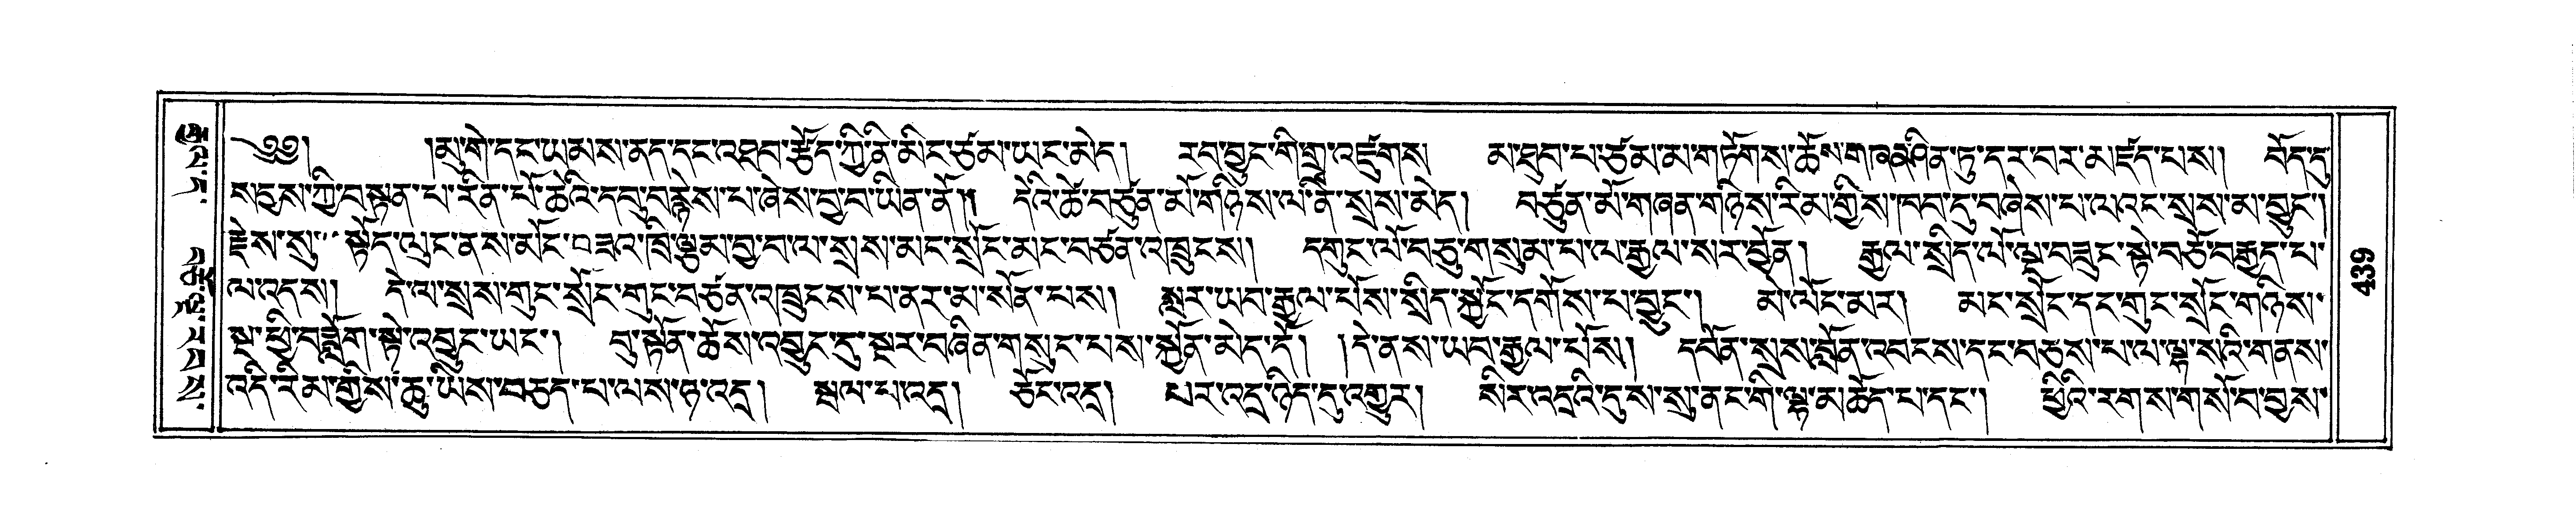༄༅། །མུ་གེ་དང་ཡམས་ནད་དང་འཐབ་རྩོད་ཀྱི་ནི་མིང་ཙམ་ཡང་མེད། རབ་བྱུང་གི་གྲྭ་འཛུགས་མ་ཐུབ་པ་ཙམ་མ་གཏོགས་ཆོས་གཞན་ཤིན་ཏུ་དར་བར་མཛད་པས། བོད་དུ་
སདྱས་ཀྱི་བསྟན་པ་རིན་པོ་ཆེའི་དབུ་བརྙེས་པ་ཞེས་བྱ་བ་ཡིན་ནོ།། དེའི་ཚེ་བཙུན་མོ་གཉིས་ལ་ནི་སྲས་མེད། བཙུན་མོ་གཞན་གཉིས་རིམ་གྱིས་ཁབ་དུ་བཞེས་པ་ལའང་སྲས་མ་བྱུང་།
རྗེས་སུ་སྟོད་ལུང་ནས་མོང་བཟའ་ཁྲི་ལྕམ་བྱ་བ་ལ་སྲས་མང་སྲོང་མང་བཙན་འཁྲུངས། དགུང་ལོ་བཅུ་གསུམ་པ་ལ་རྒྱལ་སར་བྱོན། རྒྱལ་སྲིད་ལོ་ལྔ་བཟུང་སྟེ་བཅོ་བརྒྱད་པ་
ལ་འདས། དེ་ལ་སྲས་གུང་སྲོང་གུང་བཙན་འཁྲུངས་པ་ནར་མ་སོན་པས། སླར་ཡབ་རྒྱལ་པོས་སྲིད་སྐྱོང་དགོས་པ་བྱུང་། མེ་ལོང་མར། མང་སྲོང་དང་གུང་སྲོང་གཉིས་
སྔ་ཕྱི་བཟློག་སྟེ་འབྱུང་ཡང་། བུ་སྟོན་ཆོས་འབྱུང་དུ་སྔར་བཞིན་གསུང་པས་སྐྱོན་མེད་དོ། །དེ་ནས་ཡབ་རྒྱལ་པོས། དབོན་སྲས་བློན་འབངས་དང་བཅས་པ་ལ་ལྷ་སའི་གནས་
འདི་རིམ་གྱིས་ཆུ་ཡིས་བཅད་པ་ལས་ཉ་འདྲ། སྦལ་པ་འདྲ། ཅོང་འདྲ། པར་འདྲ་ཉིད་དུ་འགྱུར། སིར་འདྲའི་དུས་སུ་ནང་གི་ལྷ་མཆོད་པ་དང་། ཕྱིའི་རགས་གསོ་བ་བྱས་